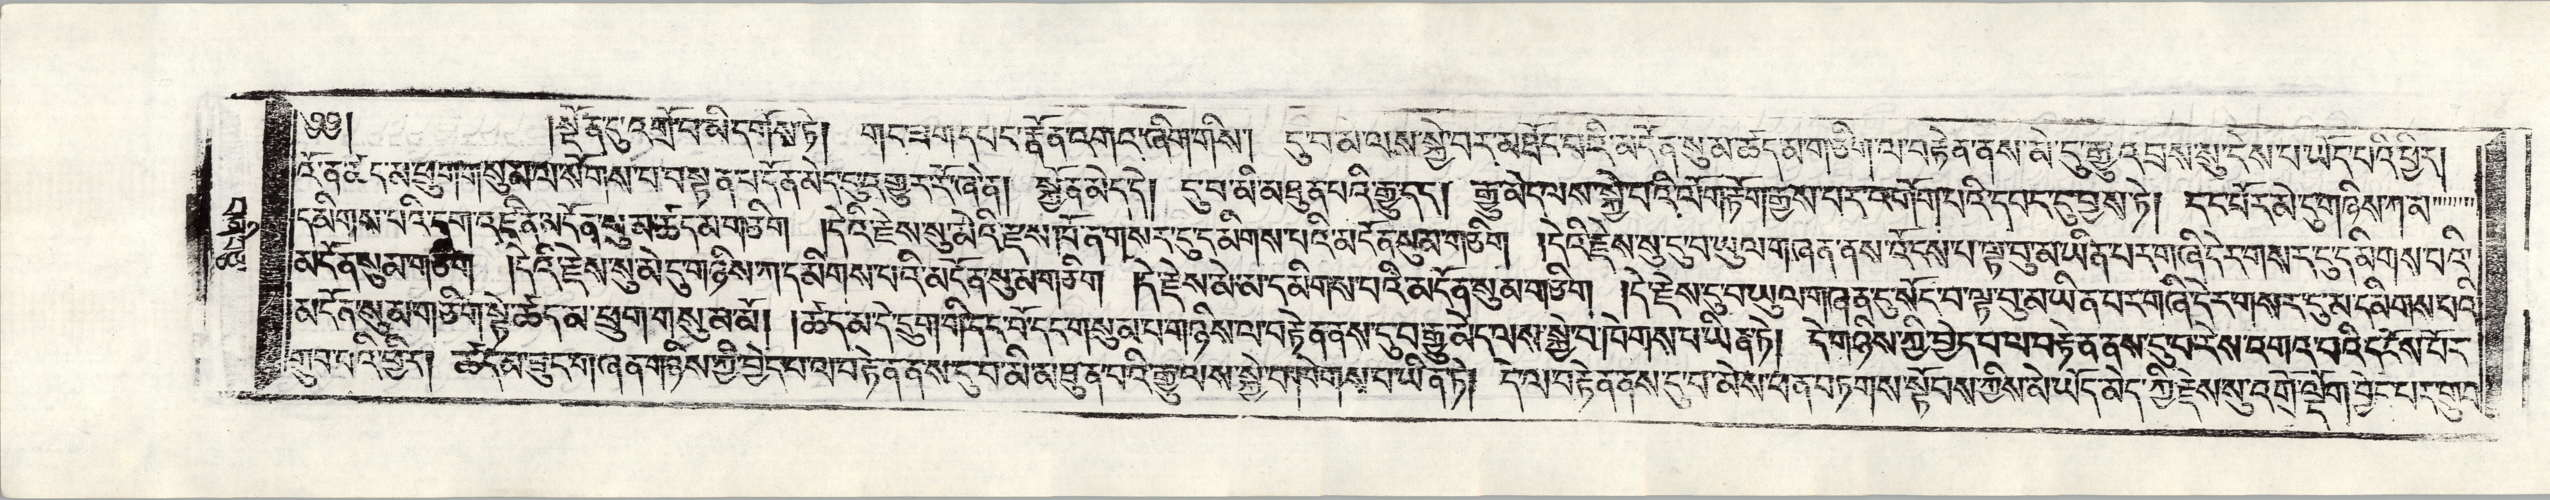༄༅། །སྔོན་དུ་འགྲོ་བ་མི་དགོས་ཏེ། གང་ཟག་དབང་རྣོན་འགའ་ཞིག་གིས། དུ་བ་མེ་ལས་སྐྱེ་བར་མཐོང་བའི་མངོན་སུམ་ཚད་མ་གཅིག་ལ་བརྟེན་ནས་མེ་དུ་རྒྱུ་འབྲས་སུ་ངེས་པ་ཡོད་པའི་ཕྱིར།
འོ་ན་ཚད་མ་ཕྲུག་གསུམ་ལ་སོགས་པ་བསྟན་པ་དོན་མེད་དུ་འགྱུར་རོ་ཞེ་ན། སྐྱོན་མེད་དེ། དུ་བ་མི་མཐུན་པའི་རྒྱུ་དང་། རྒྱུ་མེད་ལས་སྐྱེ་བའི་ལོག་རྟོག་རྒྱས་པར་འགོག་པའི་དབང་དུ་བྱས་ཏེ། དང་པོར་མེ་དུ་གཉིས་ཀ་མ་
དམིགས་པའི་དག་འཛིན་མངོན་སུམ་ཚད་མ་གཅིག །དེའི་རྗེས་སུ་མེའི་རྫས་ཁོ་ན་གསར་དུ་དམིགས་པའི་མངོན་སུམ་གཅིག །དེའི་རྗེས་སུ་དུ་བ་ཡུལ་གཞན་ནས་འོངས་པ་ལྟ་བུ་མ་ཡིན་པར་གཞི་དེར་གསར་དུ་དམིགས་པའི་
མངོན་སུམ་གཅིག །དེའི་རྗེས་སུ་མེ་དུ་གཉིས་ཀ་དམིགས་པའི་མངོན་སུམ་གཅིག །དེ་རྗེས་མེ་མ་དམིགས་པའི་མངོན་སུམ་གཅིག །དེ་རྗེས་དུ་བ་ཡུལ་གཞན་དུ་སོང་བ་ལྟ་བུ་མ་ཡིན་པར་གཞི་དེར་གསར་དུ་མ་དམིགས་པའི་
མངོན་སུམ་གཅིག་སྟེ་ཚད་མ་ཕྲུག་གསུམ་མོ། །ཚད་མ་དེ་དྲུག་གི་དང་བོ་དང་གསུམ་པ་གཉིས་ལ་བརྟེན་ནས་དུ་བ་རྒྱུ་མེད་ལས་སྐྱེ་བ་ཁེགས་པ་ཡིན་ཏེ། དེ་གཉིས་ཀྱི་བྱེད་པ་ལ་བརྟེན་ནས་དུ་བ་རེས་འགའ་བའི་དངོས་པོར་
གྲུབ་པའི་ཕྱིར། ཚད་མ་ཟུང་གཞན་གཉིས་ཀྱི་བྱེད་པ་ལ་བརྟེན་ནས་དུ་བ་མི་མཐུན་པའི་རྒྱུ་ལས་སྐྱེ་བ་ཁེགས་པ་ཡིན་ཏེ། དེ་ལ་བརྟེན་ནས་དུ་བ་མེས་ཕན་བཏགས་སྟོབས་ཀྱིས་མེ་ཡོད་མེད་ཀྱི་རྗེས་སུ་འགྲོ་ལྡོག་བྱེད་པར་གྲུབ་